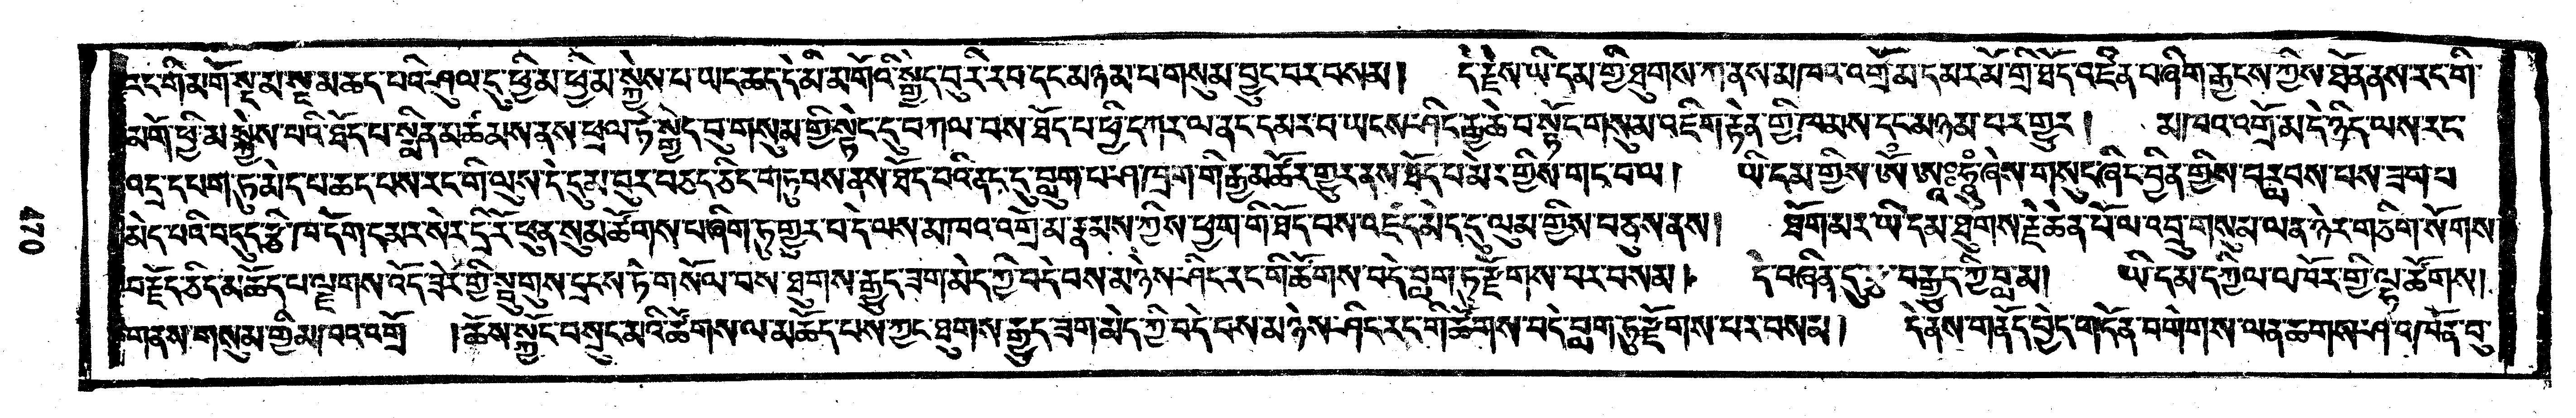རང་གི་མགོ་སྔ་མ་སྔ་མ་ཆད་པའི་ཤུལ་དུ་ཕྱི་མ་ཕྱི་མ་སྐྱེས་པ་ཡང་ཆད་དེ་མི་མགོའི་སྐྱེད་བུ་རི་རབ་དང་མཉམ་པ་གསུམ་བྱུང་བར་བསམ། དེ་རྗེས་ཡི་དམ་གྱི་ཐུགས་ཀ་ནས་མཁའ་འགྲོ་མ་དམར་མོ་གྲི་ཐོད་འཛིན་བ་ཞིག་རྒྱངས་ཀྱིས་ཐོན་ནས་རང་གི་
མགོ་ཕྱི་མ་སྐྱེས་པའི་ཐོད་པ་སྨིན་མཚམས་ནས་ཕྲལ་ཏེ་སྒྱེད་བུ་གསུམ་གྱི་སྟེང་དུ་བཀལ་བས་ཐོད་པ་ཕྱི་དཀར་ལ་ནང་དམར་བ་ཡངས་ཤིང་རྒྱ་ཆེ་བ་སྟོང་གསུམ་འཇིག་རྟེན་གྱི་ཁམས་དང་མཉམ་པར་གྱུར། མཁའ་འགྲོ་མ་དེ་ཉིད་ལས་རང་
འདྲ་དཔག་ཏུ་མེད་པ་ཆད་པས་རང་གི་ལུས་དེ་དུམ་བུར་བཅད་ཅིང་གཏུབས་ནས་ཐོད་པའི་ནང་དུ་བླུག་པ་ཤ་ཁྲག་གི་རྒྱ་མཚོར་གྱུར་ནས་ཐོད་པ་མེར་གྱིས་གང་བ་ལ། ཡི་དམ་གྱིས་ཨོཾ་ཨཱཿཧཱུཾ་ཞེས་གསུང་ཞིང་བྱིན་གྱིས་བརླབས་པས་ཟག་པ་
མེད་པའི་བདུད་རྩི་ཁ་དོག་དམར་སེར་དྲི་རོ་ཕུན་སུམ་ཚོགས་པ་ཞིག་ཏུ་གྱུར་པ་དེ་ལས་མཁའ་འགྲོ་མ་རྣམས་ཀྱིས་ཕྱག་གི་ཐོད་པས་འཛད་མེད་དུ་ལུམ་གྱིས་བཅུས་ནས། ཐོག་མར་ཡི་དམ་ཐུགས་རྗེ་ཆེན་པོ་ལ་འབྲུ་གསུམ་ལན་ཉེར་གཅིག་སོགས་
བརྗོད་ཅིང་མཆོད་པ་ལྗགས་འོད་ཟེར་གྱི་སྦུ་གུས་དྲངས་ཏེ་གསོལ་བས་ཐུགས་རྒྱུད་ཟག་མེད་ཀྱི་བདེ་བས་ནྨྱེས་ཤིང་རང་གི་ཚོགས་བདེ་བླག་ཏུ་རྫོགས་པར་བསམ། དེ་བཞིན་དུ་རྩ་བརྒྱུད་ཀྱི་བླ་མ། ཡི་དམ་དཀྱིལ་འཁོར་གྱི་ལྷ་ཚོགས།
གནས་གསུམ་གྱི་མཁའ་འགྲོ། །ཆོས་སྐྱོང་བསྲུང་མའི་ཚོགས་ལ་མཆོད་པས་ཀྱང་ཐུགས་རྒྱུད་ཟག་མེད་ཀྱི་བདེ་བས་མཉེས་ཤིང་རང་གི་ཚོགས་བདེ་བླག་ཏུ་རྫོགས་པར་བསམ། དེ་ནས་གནོད་བྱེད་གདོན་བགེགས་ལན་ཆགས་ཤ་འཁོན་བ་